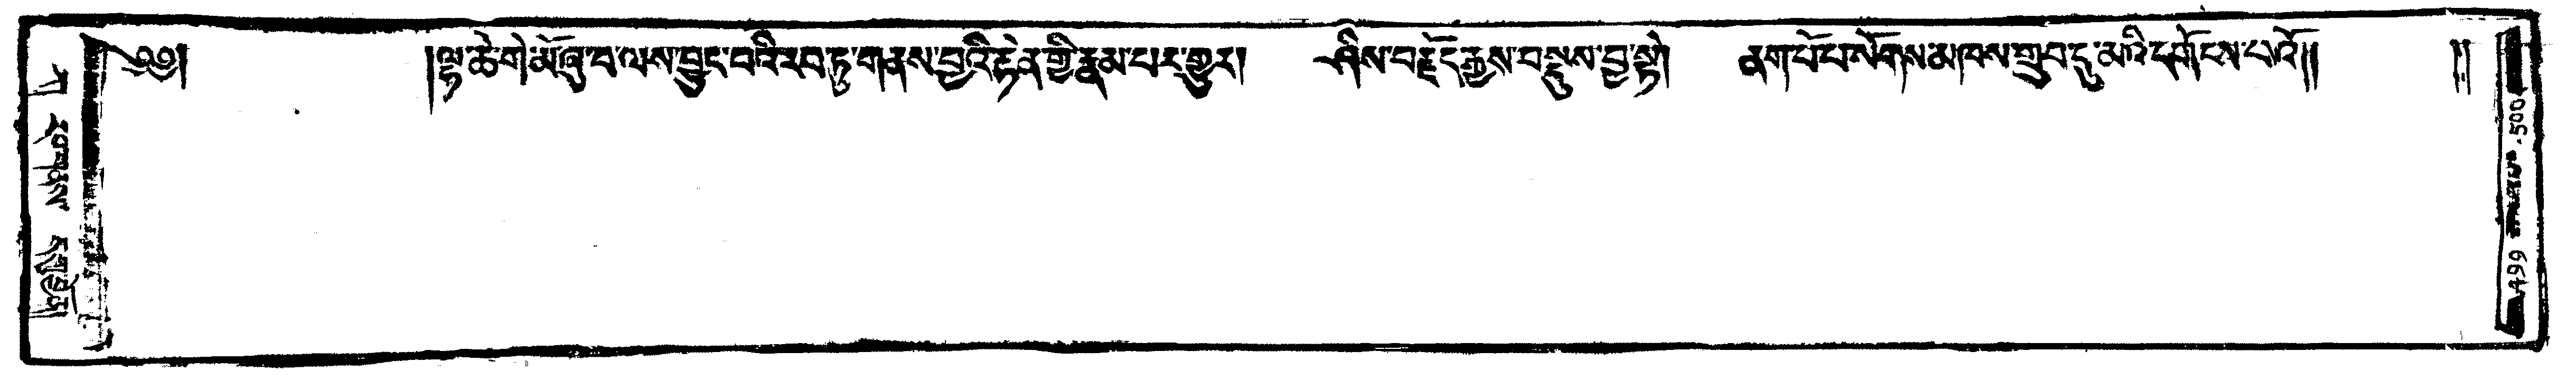༄༅། །ལྷ་ཆེ་གེ་མོ་ཞུ་བ་ལས་བྱུང་བའི་བ་ཏུ་གནས་བྱའི་རྟེན་གྱི་རྣམ་པར་གྱུར། ཤིས་བརྗོད་རྒྱས་བསྡུས་བྱ་སྟེ། ནག་པོ་བ་སོགས་མཁས་གྲུབ་དུ་མའི་དགོངས་པའོ།། །།